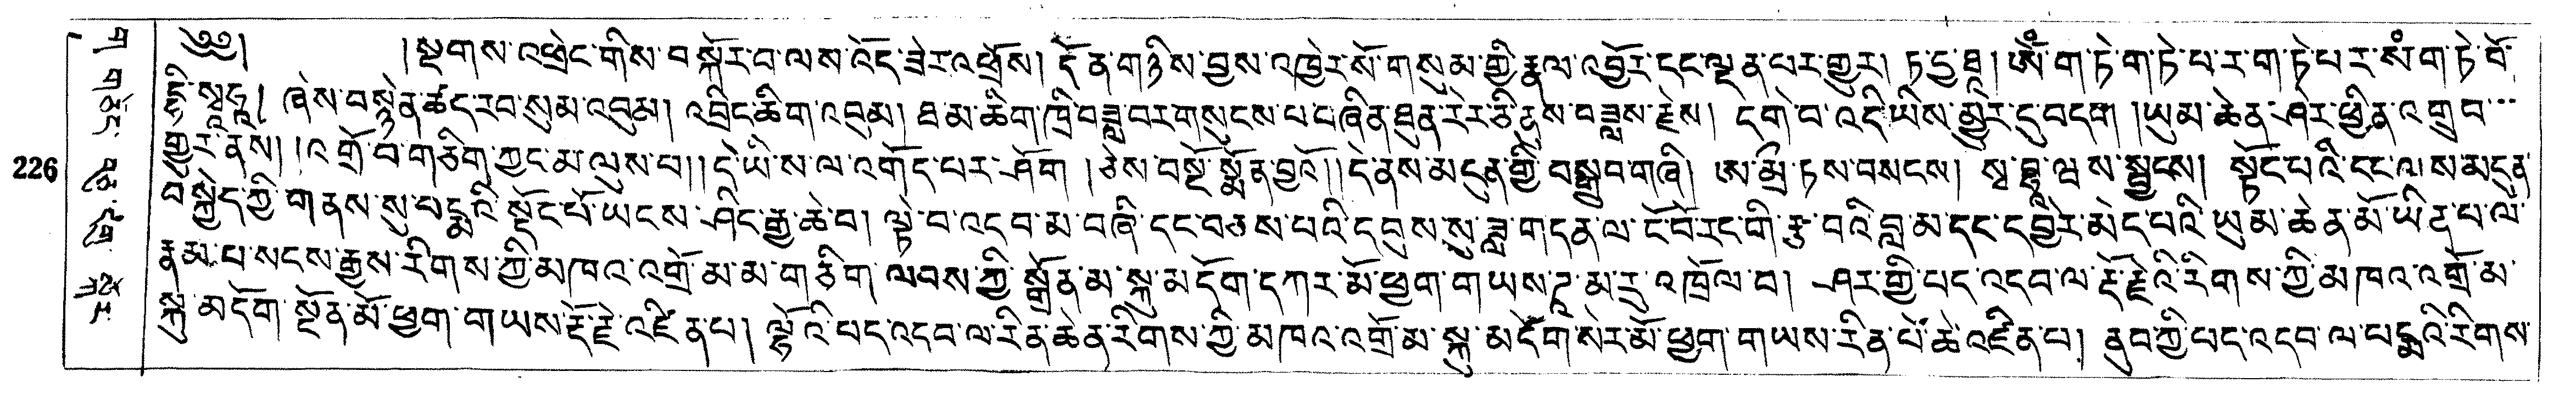༄༅། །སྔགས་འཕྲེང་གིས་བསྐོར་བ་ལས་འོད་ཟེར་འཕྲོས། དོན་གཉིས་བྱས་འཁྱེར་སོ་གསུམ་གྱི་རྣལ་འབྱོར་དང་ལྡན་པར་གྱུར། ཏ་དྱ་ཐཱ། ཨོཾ་ག་ཏེ་ག་ཏེ་པ་ར་ག་ཏེ་པར་སཾ་ག་ཏེ་བོ་
དྷི་སྭཱཧཱ། ཞེས་བསྙེན་ཚད་རབ་སུམ་འབུམ། འབྲིང་ཆིག་འབུམ་ཐ་མ་ཆིག་ཁྲི་བཟླ་བར་གསུངས་པ་བཞིན་ཐུན་རེར་ཅི་ནས་བཟླས་རྗེས། དགེ་བ་འདི་ཡིས་མྱུར་དུ་བདག །ཡུམ་ཆེན་ཤེར་ཕྱིན་འགྲུབ་
གྱུར་ནས། །འགྲོ་བ་གཅིག་ཀྱང་མ་ལུས་པ། །དེ་ཡི་ས་ལ་འགོད་པར་ཤོག །ཅེས་བསྔོ་སྨོན་བྱའོ། །དེ་ནས་མདུན་གྱི་བསྒྲུབ་གཞི། ཨ་མྲྀ་ཏས་བསངས། སྭ་བྷཱ་ཝས་སྦྱངས། སྟོང་པའི་ངང་ལས་མདུན་
བསྐྱེད་ཀྱི་གནས་སུ་པདམའི་སྡོང་པོ་ཡངས་ཤིང་རྒྱ་ཆེ་བ། ལྟེ་བ་འདབ་མ་བཞི་དང་བཅས་པའི་དབུས་སུ་ཟླ་གདན་ལ་ངོ་བོ་རང་གི་རྩ་བའི་བླ་མ་དང་དབྱེར་མེད་པའི་ཡུམ་ཆེན་མོ་ཡིན་པ་ལ་
རྣམ་པ་སངས་རྒྱས་རིགས་ཀྱི་མཁའ་འགྲོ་མ་མ་གཅིག་ལབས་ཀྱི་སྒྲོན་མ་སྐུ་མདོག་དཀར་མོ་ཕྱག་གཡས་ཌཱ་མ་རུ་འཁྲོལ་བ། ཤར་གྱི་པད་འདབ་ལ་རྡོ་རྗེའི་རིགས་ཀྱི་མཁའ་འགྲོ་མ་
སྐུ་མདོག་སྔོན་མོ་ཕྱག་གཡས་རྡོ་རྗེ་འཛིན་པ། ལྷོའི་པད་འདབ་ལ་རིན་ཆེན་རིགས་ཀྱི་མཁའ་འགྲོ་མ་སྐུ་མདོག་སེར་མོ་ཕྱག་གཡས་རིན་པོ་ཆེ་འཛིན་པ། ནུབ་ཀྱི་པད་འདབ་ལ་པདམའི་རིགས་